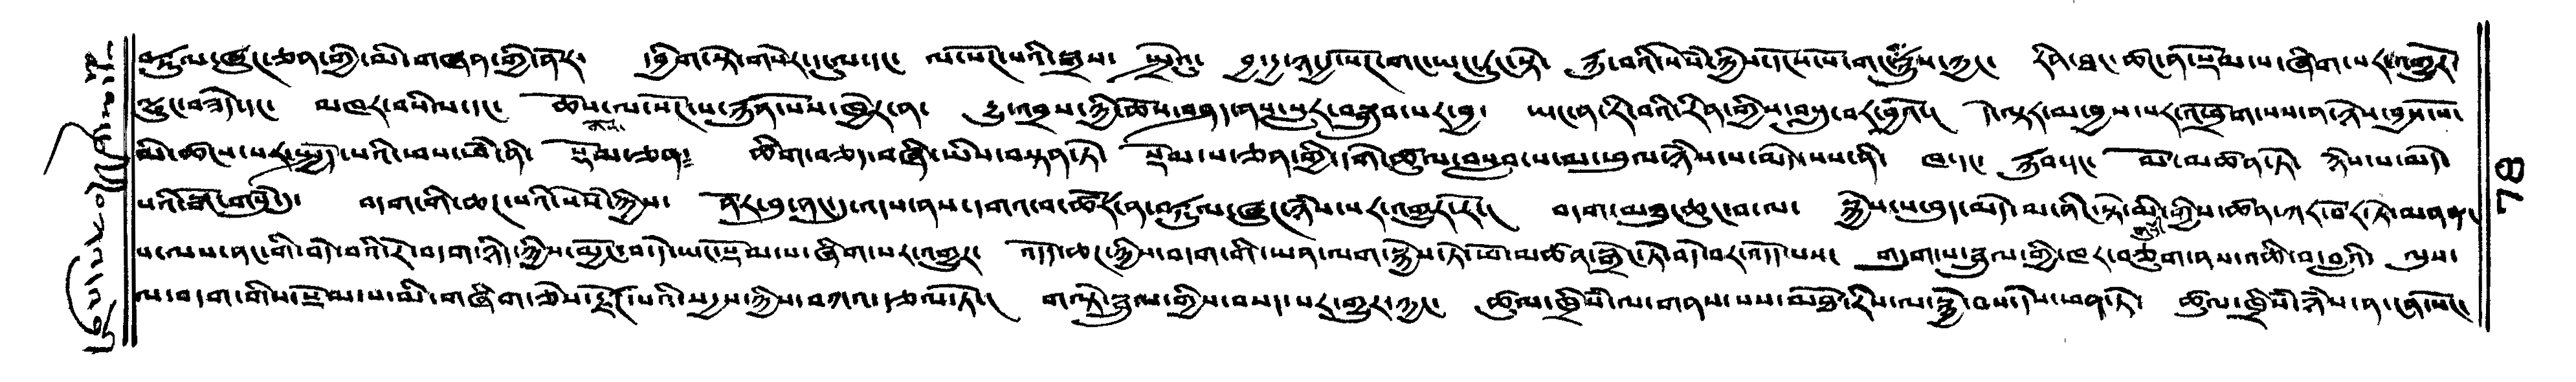བརྟུལ་ཞུགས་ཅན་གྱིས་མི་གཞན་གྱི་ནོར། དབྱིག་སྟེ་གསེར་དངུལ་དང་། ལ་སོགས་པའི་སྒྲས། སྤྲེའུ། བྱ་རྒྱ་ཉ་རྒྱ་སོགས་གང་ཡང་རུང་སྟེ། རྐུ་བའི་སེམས་ཀྱིས་དངོས་པོ་གང་བརྐུས་ཀྱང་། རིན་ཐང་ཚང་ན་སྡོམ་པ་ཞིག་པར་འགྱུར་རོ། 
ལྷུང་བཟེད་དང་། མཁར་བསིལ་དང་། ཆོས་གོས་ལ་སོགས་པ་རྐུན་པོས་ཁྱེར་ན། རྒྱུ་འབྲས་ཀྱི་ཆོས་བཤད་ནས་སླར་བསྒྲུབ་པར་བྱ། ཡང་ན་རི་བའི་རིན་གྱིས་བསླུ་བར་བྱའོ། དེ་ལྟར་མ་བྱས་པར་འཕྲོགས་པས་ན་ཉེས་བྱས་སོ། 
མི་ཚངས་པར་སྤྱོད་པའི་ཕས་ཕམ་ནི། སྡོམ་ཅན༴ ཚིགས་བཅད་བཞི་ཡིས་བསྟན་ཏེ། སྡོམ་པ་ཅན་གྱི་དགེ་ཚུལ་བསླབ་པ་མ་ཕུལ་བ་ཉམས་པ་མེད་པས་ནི། ཁ་དང་། རྐུབ་དང་། མོ་མཚན་ཏེ། ཉམས་པ་མེད་
པའི་སྒོ་གསུམ་དུ། བདག་གི་ཆགས་བའི་སེམས་ཀྱིས། ནོར་བུ་ནང་དུ་འདས་ནས་དགའ་བ་ཚོར་ན་བརྟུལ་ཞུགས་ཉམས་པར་འགྱུར་རོ། བདག་མཏུ་ཆུང་པ་ལ། སྐྱེས་པ་བུད་མེད་མ་ནིང་སྟེ་མི་གསུམ་གྱི་ཚན་ཀར་བོར་ཏི་མནན་
པ་ལས་ནང་གི་བདེ་བའི་རེ་བདག་ཉིད་ཀྱིས་མྱོང་བ་དེ་ཡང་སྡོམ་པ་ཞིག་པར་འགྱུར། འདོད་ཆགས་ཀྱིས་བདག་གི་ཡན་ལག་སྐྱོད་ནས་ཕོ་མཚན་སྒྲེང་ཏེ་བདེ་བར་འདོད་པས་གདུག་པ་སྦྲུལ་གྱི་ཁར་བཅུག་ནས་འཆི་བ་བླ་ཡི། ལུས་
ལ་བདག་གི་སྡོམ་པ་མི་གཞིག་ཅེས་རྫོགས་པའི་སངས་རྒྱས་ཀྱིས་བཀའ་བསྩལ་ཏོ། གལ་ཏེ་སྦྲུལ་གྱིས་བསད་པར་གྱུར་ཀྱང་ཚུལ་ཁྲིམས་ལ་གནས་པས་མཐོ་རིས་སུ་སྐྱེ་བས་དེས་ཕན་ཏེ། ཚུལ་ཁྲིམས་ཉམས་ན་ངན་སོང་གི་